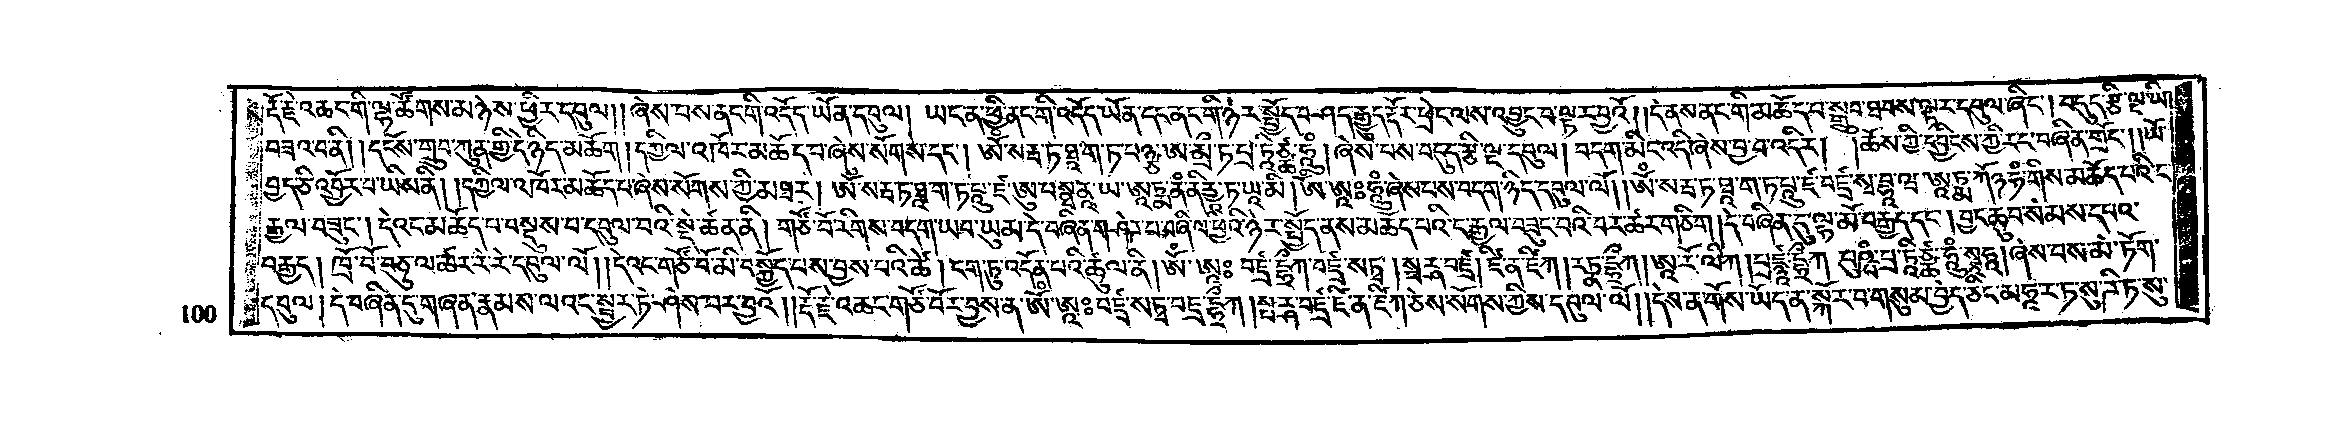རྡོ་རྗེ་འཆང་གི་ལྷ་ཚོགས་མཉེས་ཕྱིར་དབུལ། །ཞེས་པས་ནང་གི་འདོད་ཡོན་དབུལ། ཡང་ན་ཕྱི་ནང་གི་འདོད་ཡོན་དང་ནང་གི་ཉེར་སྤྱོད་བཤད་རྒྱུད་རྡོར་ཕྲེང་ལས་འབྱུང་བ་ལྟར་བྱའོ། །དེ་ནས་ནང་གི་མཆོད་པ་སྒྲུབ་ཐབས་ལྟར་དབུལ་ཞིང་། བདུད་རྩི་ལྔ་ཡི་
བཟའ་བ་ནི། །དངོས་གྲུབ་ཀུན་གྱི་དེ་ཉིད་མཆོག །དཀྱིལ་འཁོར་མཆོད་པ་ཞེས་སོགས་དང་། ཨོཾ་སརྦ་ཏ་ཐཱ་ག་ཏ་པཉྩ་ཨ་མྲྀ་ཏ་པྲ་ཏཱི་ཙྪ་ཧཱུཾ། ཞེས་པས་བདུད་རྩི་ལྔ་དབུལ། བདག་མིང་འདི་ཞེས་བྱ་བ་འདིར། །ཆོས་ཀྱི་དབྱིངས་ཀྱི་རང་བཞིན་ཀྲོང་། །ཡོ་
བྱད་ཅི་འབྱོར་པ་ཡིས་ནི། །དཀྱིལ་འཁོར་མཆོད་པ་ཞེས་སོགས་ཀྱི་མཐར། ཨོཾ་སརྦ་ཏ་ཐཱ་ག་ཏ་པཱུ་ཛ་ཨུ་པ་སྠ་ནཱ་ཡ་ཨཱ་ཏྨ་ནཾ་ནི་རྱཱ་ཏ་ཡཱ་མི། ཨོཾ་ཨཱཿ ཧཱུཾ་ཞེས་པས་བདག་ཉིད་དབུལ་ལོ། །ཨོཾ་སརྦ་ཏ་ཐཱ་ག་ཏ་པཱུ་ཛ་བཛྲ་སྭ་བྷཱ་ཝ་ཨཱཏྨ་ཀོཉཧཾ་གིས་མཆོད་པའི་ང་
རྒྱལ་བཟུང་། དེའང་མཆོད་པ་བསྡུས་པ་དབུལ་བའི་སྡེ་ཚན་ནི། གཙོ་བོ་རིགས་བདག་ཡབ་ཡུམ་དེ་བཞིན་གཤེགས་པ་བཞི་ལ་ཕྱིའི་ཉེར་སྤྱོད་ནས་མཆོད་པའི་ང་རྒྱལ་བཟུང་བའི་བར་ཚར་གཅིག །དེ་བཞིན་དུ་ལྷ་མོ་བརྒྱད་དང་། བྱང་ཆུབ་སེམས་དཔའ་
བརྒྱད། ཁྲོ་བོ་བཅུ་ལ་ཚར་རེ་རེ་དབུལ་ལོ། །དའང་གཙོ་བོ་མི་བསྐྱོད་པས་བྱས་པའི་ཚེ། ངག་ཏུ་འདོན་པའི་ཚུལ་ནི། ཨོཾ་ཨཱཿ བཛྲ་དྷྲྀཀ་བཛྲ་སཏྭ། སྤརྴ་བཛྲ། ཛི་ན་ཛིཀ། རཏྣ་དྷྲྀཀ། ཨཱ་རོ་ལིཀ། པྲཛྙཱ་དྷྲྀ་ཀ་པུཥྤཾ་པྲ་ཏཱི་ཙྪ་ཧཱུཾ་སྭཱཧཱ། ཞེས་པས་མེ་ཏོག་
དབུལ། དེ་བཞིན་དུ་གཞན་རྣམས་ལའང་སྦྱར་ཏེ་ཤེས་པར་བྱའོ། །རྡོ་རྗེ་འཆང་གཙོ་བོར་བྱས་ན་ཨོཾ་ཨཱཿ བཛྲ་སཏྭ་བཛྲ་དྷྲྀཀ། སྤརྴ་བཛྲ་ཛི་ན་ཛིཀ་ཅེས་སོགས་ཀྱིས་དབུལ་ལོ། །དེས་ན་གོས་ཡོད་ན་སྐོར་བ་གསུམ་བྱེད་ཅིང་མ་ཧཱ་ར་ཏ་སུ་ཊི་ཏ་སུ་